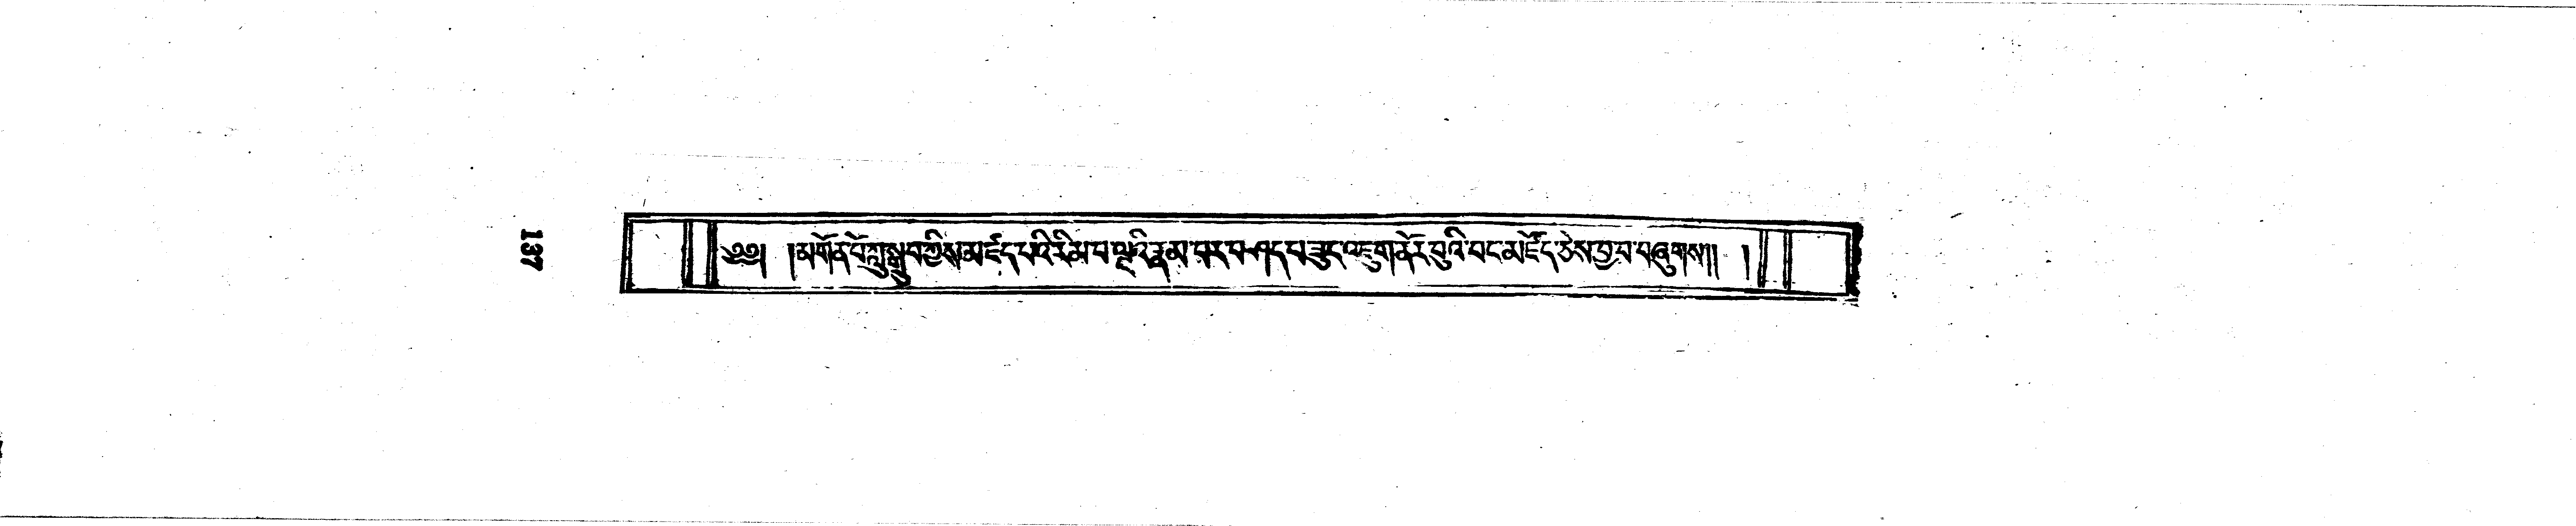༄༅། །མགོན་པོ་ཀླུ་གྲུབ་ཀྱིས་མཛད་པའི་རིམ་པ་ལྔའི་རྣམ་པར་བཤད་པ་ཟུང་འཇུག་ནོར་བུའི་བང་མཛོད་ཅེས་བྱ་བ་བཞུགས་སོ།། །།